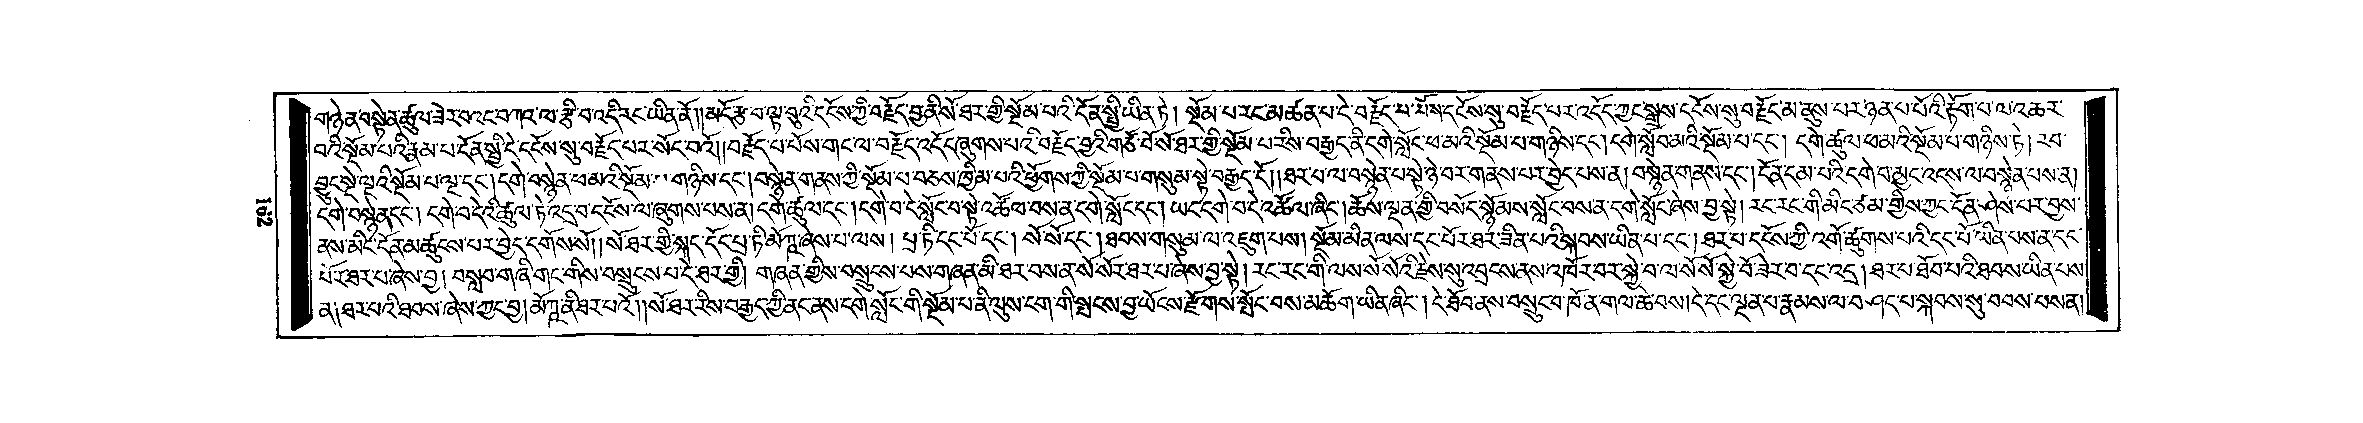གཉེན་བསྟེན་ཚུལ་ཟེར་བའང་བཀའ་ལ་རྩི་བ་འདི་རང་ཡིན་ནོ། །མདོ་རྩ་བ་ལྟ་བུའི་དངོས་ཀྱི་བརྗོད་བྱ་ནི་སོ་ཐར་གྱི་སྡོམ་པའི་དོན་སྤྱི་ཡིན་ཏེ། སྡོམ་པ་རང་མཚན་པ་དེ་བརྗོད་པ་པོས་དངོས་སུ་བརྗོད་པར་འདོད་ཀྱང་སྒྲས་དངོས་སུ་བརྗོད་མ་ནུས་པར་ཉན་པ་པོའི་རྟོག་པ་ལ་འཆར་
བའི་སྡོམ་པའི་རྣམ་པ་དོན་སྤྱི་དེ་དངོས་སུ་བརྗོད་པར་སོང་བའོ། །བརྗོད་པ་པོས་གང་ལ་བརྗོད་འདོད་ཞུགས་པའི་བརྗོད་བྱའི་གཙོ་བོ་སོ་ཐར་གྱི་སྡོམ་པ་རིས་བརྒྱད་ནི་དགེ་སློང་ཕ་མའི་སྡོམ་པ་གཉིས་དང་། དགེ་སློབ་མའི་སྡོམ་པ་དང་། དགེ་ཚུལ་ཕ་མའི་སྡོམ་པ་གཉིས་ཏེ། རབ་
བྱུང་སྡེ་ལྔའི་སྡོམ་པ་ལྔ་དང་། དགེ་བསྙེན་ཕ་མའི་སྡོམ་པ་གཉིས་དང་། བསྙེན་གནས་ཀྱི་སྡོམ་པ་བཅས་ཁྱིམ་པའི་ཕྱོགས་ཀྱི་སྡོམ་པ་གསུམ་སྟེ་བརྒྱད་དོ། །ཐར་པ་ལ་བསྙེན་པ་སྟེ་ཉེ་བར་གནས་པར་བྱེད་པས་ན། བསྙེན་གནས་དང་། དོན་དམ་པའི་དགེ་བ་མྱང་འདས་ལ་བསྙེན་པས་ན།
དགེ་བསྙེན་དང་། དགེ་བ་དེའི་ཚུལ་ཏེ་འདྲ་བ་དངོས་ལ་ཞུགས་པས་ན། དགེ་ཚུལ་དང་། དགེ་བ་དེ་སློང་བ་སྟེ་འཚོལ་བས་ན་དགེ་སློང་དང་། ཡང་དགེ་བ་དེ་འཚོལ་ཞིང་། ཆོས་ལྡན་གྱི་བསོད་སྙོམས་སློང་བས་ན་དགེ་སློང་ཞེས་བྱ་སྟེ། རང་རང་གི་མིང་ཙམ་གྱིས་ཀྱང་དོན་ཤེས་པར་བྱས་
ནས་མིང་དོན་མཚུངས་པར་བྱེད་དགོས་སོ། །སོ་ཐར་གྱི་སྐད་དོང་པྲ་ཏི་མོཀྵ་ཞེས་པ་ལས། པྲ་ཏི་དང་པོ་དང་། སོ་སོ་དང་། ཐབས་གསུམ་ལ་འཇུག་པས། སྡོམ་མིན་ལས་དང་པོར་ཐར་ཟིན་པའི་སྐབས་ཡིན་པ་དང་། ཐར་པ་དངོས་ཀྱི་འགོ་ཚུགས་པའི་དང་པོ་ཡིན་པས་ན་དང་
པོར་ཐར་པ་ཞེས་བྱ། བསླབ་གཞི་གང་གིས་བསྲུངས་པ་དེ་ཐར་གྱི། གཞན་གྱིས་བསྲུངས་པས་གཞན་མི་ཐར་བས་ན་སོ་སོར་ཐར་པ་ཞེས་བྱ་སྟེ། རང་རང་གི་ལས་སོ་སོའི་རྗེས་སུ་འབྲངས་ནས་འཁོར་བར་སྐྱེ་བ་ལ་སོ་སོ་སྐྱེ་བོ་ཟེར་བ་དང་འདྲ། ཐར་པ་ཐོབ་པའི་ཐབས་ཡིན་པས་
ན། ཐར་པའི་ཐབས་ཞེས་ཀྱང་བྱ། མོཀྵ་ནི་ཐར་པའོ། །སོ་ཐར་རིས་བརྒྱད་ཀྱི་ནང་ནས་དགེ་སློང་གི་སྡོམ་པ་ནི་ལུས་ངག་གི་སྤངས་བྱ་ཡོངས་རྫོགས་སྤོང་བས་མཆོག་ཡིན་ཞིང་། དེ་ཐོབ་ནས་བསྲུང་བ་ཁོ་ན་གལ་ཆེ་བས། དེ་དང་ལྡན་པ་རྣམས་ལ་བཤད་པ་སྐབས་སུ་བབས་པས་ན།